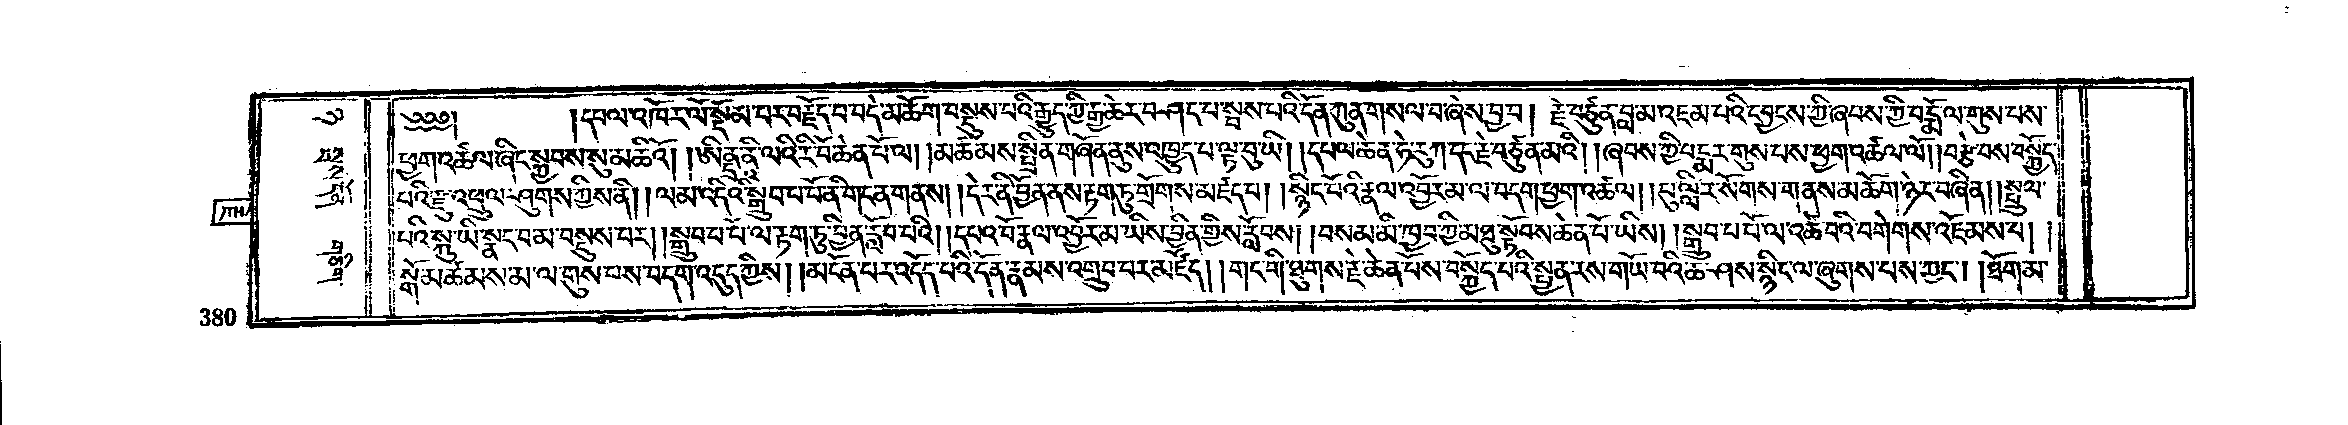༄༅༅། །དཔལ་འཁོར་ལོ་སྡོམ་པར་བརྗོད་པ་བདེ་མཆོག་བསྡུས་པའི་རྒྱུད་ཀྱི་རྒྱ་ཆེར་བཤད་པ་སྦས་པའི་དོན་ཀུན་གསལ་བ་ཞེས་བྱ་བ། རྗེ་བཙུན་བླ་མ་འཇམ་པའི་དབྱངས་ཀྱི་ཞབས་ཀྱི་པདམོ་ལ་གུས་པས་
ཕྱག་འཚལ་ཞིང་སྐྱབས་སུ་མཆིའོ། །ཨིནྡྲ་ནཱི་ལའི་རི་བོ་ཆེན་པོ་ལ། །མཚམས་སྤྲིན་གཞོན་ནུས་འཁྱུད་པ་ལྟ་བུ་ཡི། །དཔལ་ཆེན་ཧེ་རུ་ཀ་དང་རྗེ་བཙུན་མའི། །ཞབས་ཀྱི་པདམར་གུས་པས་ཕྱག་འཚལ་ལོ། །བརྩེ་བས་བསྐྱོད་
པའི་རྫུ་འཕྲུལ་ཤུགས་ཀྱིས་ནི། །ལམ་འདིའི་སྒྲུབ་པ་པོ་ནི་གང་ན་གནས། །དེར་ནི་བྱོན་ནས་རྟག་ཏུ་གྲོགས་མཛད་པ། །སྙིང་པོའི་རྣལ་འབྱོར་མ་ལ་བདག་ཕྱག་འཚལ། །པུལླི་ར་སོགས་གནས་མཆོག་ཉེར་བཞིན། །སྤྲུལ་
པའི་སྐུ་ཡི་སྣང་བ་མ་བསྡུས་པར། །སྒྲུབ་པ་པོ་ལ་རྟག་ཏུ་བྱིན་རློབ་པའི། །དཔའ་བོ་རྣལ་འབྱོར་མ་ཡིས་བྱིན་གྱིས་རློབས། །བསམ་མི་ཁྱབ་ཀྱི་མཐུ་སྟོབས་ཆེན་པོ་ཡིས། །སྒྲུབ་པ་པོ་ལ་འཚེ་བའི་བགེགས་འཇོམས་པ། །
སྒོ་མཚམས་མ་ལ་གུས་པས་བདག་འདུད་ཀྱིས། །མངོན་པར་འདོད་པའི་དོན་རྣམས་འགྲུབ་པར་མཛོད། །གང་གི་ཐུགས་རྗེ་ཆེན་པོས་བསྐྱོད་པའི་སྤྱན་རས་གཡོ་བའི་ཆ་ཤས་སྙིང་ལ་ཞུགས་པས་ཀྱང་། །ཐོག་མ་